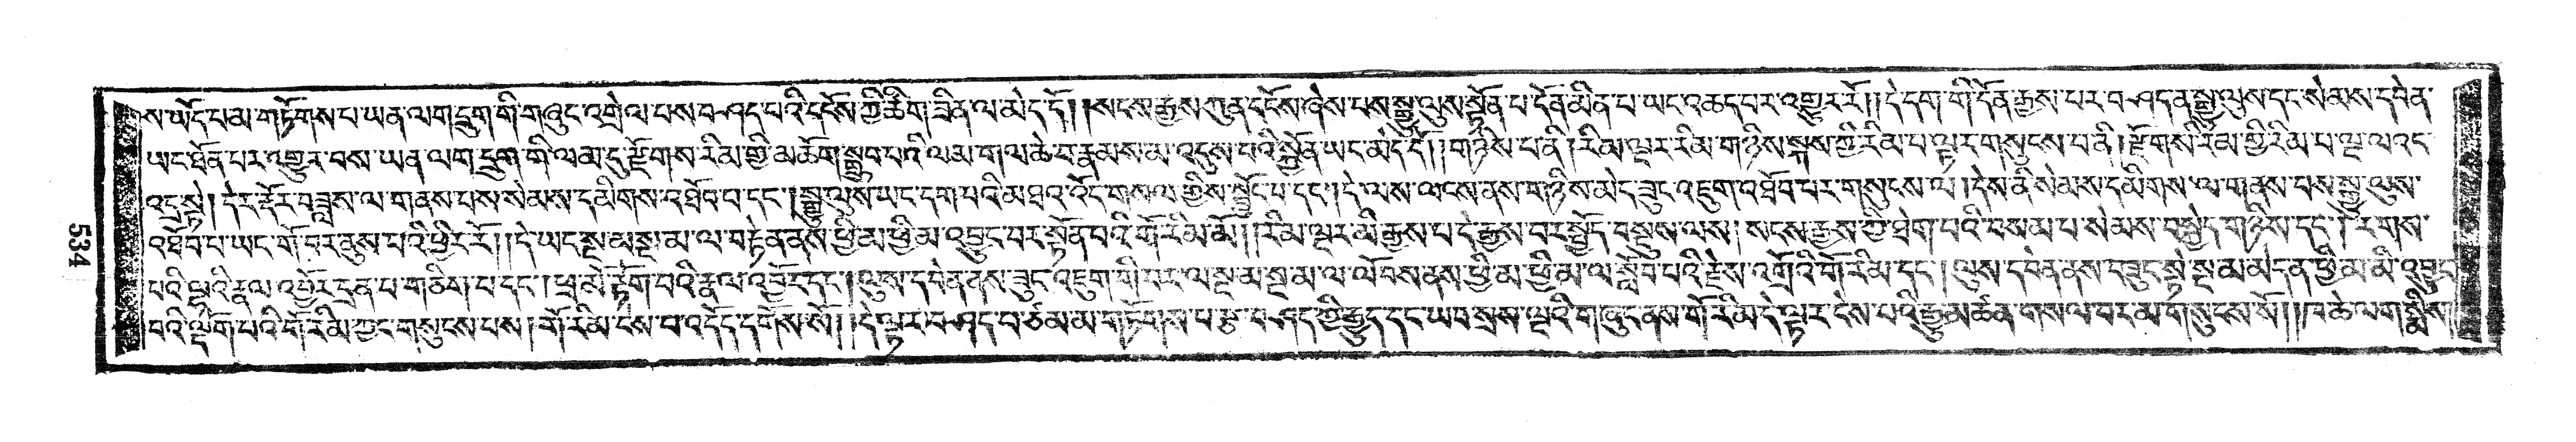ས་ཡོད་པ་མ་གཏོགས་པ་ཡན་ལག་དྲུག་གི་གཞུང་འགྲེལ་པས་བཤད་པའི་དངོས་ཀྱི་ཚིག་ཟིན་ལ་མེད་དོ། །སངས་རྒྱས་ཀུན་དངོས་ཞེས་པས་སྒྱུ་ལུས་སྟོན་པ་དོན་མིན་པ་ཡང་འཆད་པར་འགྱུར་རོ། །དེ་དག་གི་དོན་རྒྱས་པར་བཤད་ན་སྒྱུ་ལུས་དང་སེམས་དབེན་
ཡང་ཐོན་པར་འགྱུར་བས་ཡན་ལག་དྲུག་གི་ལམ་དུ་རྫོགས་རིམ་གྱི་མཆོག་སྒྲུབ་པའི་ལམ་གལ་ཆེ་བ་རྣམས་མ་འདུས་པའི་སྐྱོན་ཡང་མེད། དོ། །གཉིས་པ་ནི། རིམ་ལྔར་རིམ་གཉིས་སྐས་ཀྱི་རིམ་པ་ལྟར་གསུངས་པ་ནི། རྫོགས་རིམ་གྱི་རིམ་པ་ལྔ་ལའང་
འདྲ་སྟེ། དེར་རྡོར་བཟླས་ལ་གནས་པས་སེམས་དམིགས་འཐོབ་པ་དང་། སྒྱུ་ལུས་ཡང་དག་པའི་མཐའ་འོད་གསལ་གྱིས་སྦྱོང་བ་དང་། དེ་ལས་ལངས་ནས་གཉིས་མེད་ཟུང་འཇུག་འཐོབ་པར་གསུངས་ལ། དེས་ནི་སེམས་དམིགས་ལ་གནས་པས་སྒྱུ་ལུས་
འཐོབ་པ་ཡང་གོ་བར་ནུས་པའི་ཕྱིར་རོ། །དེ་ཡང་སྔ་མ་སྔ་མ་ལ་བརྟེན་ནས་ཕྱི་མ་ཕྱི་མ་འབྱུང་བར་སྟོན་པའི་གོ་རིམ་མོ། །རིམ་ལྔར་མི་རྒྱས་པ་དེ་རྒྱས་པར་སྤྱོད་བསྡུས་ལས། སངས་རྒྱས་ཀྱི་ཐེག་པའི་བསམ་པ་སེམས་བསྐྱེད་གཉིས་དང་། རགས་
པའི་ལྷའི་རྣལ་འབྱོར་དྲན་པ་གཅིག་པ་དང་། ཕྲ་མོ་རྟོག་པའི་རྣལ་འབྱོར་དང་། ལུས་དབེན་ནས་ཟུང་འཇུག་གི་བར་ལ་སྔ་མ་སྔ་མ་ལ་ལོབས་ནས་ཕྱི་མ་ཕྱི་མ་ལ་སློབ་པའི་རྗེས་འགྲོའི་གོ་རིམ་དང་། ལུས་དབེན་ནས་བཟུང་སྟེ་སྔ་མ་མེད་ན་ཕྱི་མ་མི་འབྱུང་
བའི་ལྡོག་པའི་གོ་རིམ་ཀྱང་གསུངས་པས། གོ་རིམ་ངེས་པ་འདོད་དགོས་སོ། །དེ་ལྟར་བཤད་པ་ཙམ་མ་གཏོགས་པ་རྩ་བཤད་ཀྱི་རྒྱུད་དང་ཡབ་སྲས་ལྔའི་གཞུང་ནས་གོ་རིམ་དེ་ལྟར་ངེས་པའི་རྒྱུ་མཚན་གསལ་བར་མ་གསུངས་སོ། །ཁ་ཆེ་ལག་སྨིས་